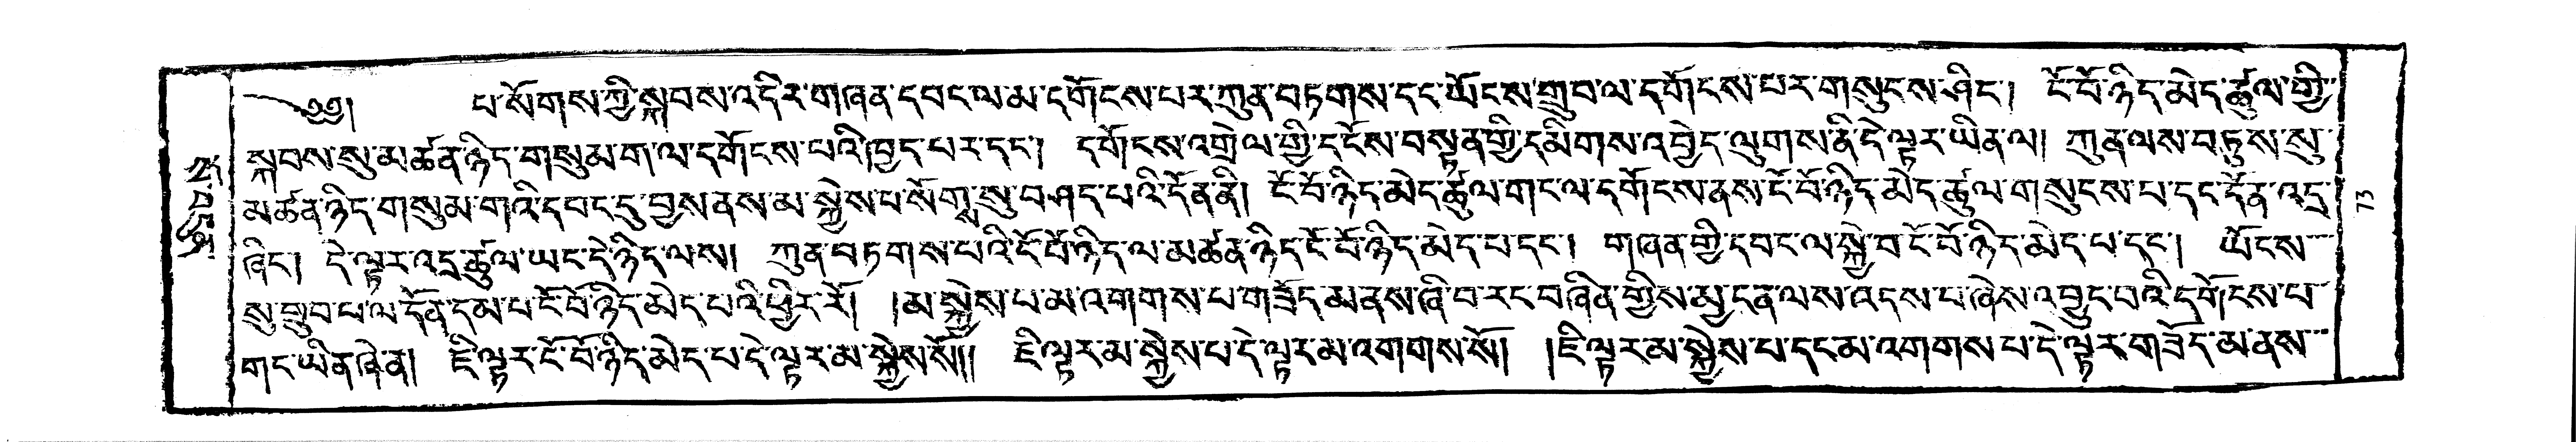༄༅། །པ་སོགས་ཀྱི་སྐབས་འདིར་གཞན་དབང་ལ་མ་དགོངས་པར་ཀུན་བཏགས་དང་ཡོངས་གྲུབ་ལ་དགོངས་པར་གསུངས་ཤིང་། ངོ་བོ་ཉིད་མེད་ཚུལ་གྱི་
སྐབས་སུ་མཚན་ཉིད་གསུམ་ག་ལ་དགོངས་པའི་ཁྱད་པར་དང་། དགོངས་འགྲེལ་གྱི་དངོས་བསྟན་གྱི་དམིགས་འབྱེད་ལུགས་ནི་དེ་ལྟར་ཡིན་ལ། ཀུན་ལས་བཏུས་སུ་
མཚན་ཉིད་གསུམ་གའི་དབང་དུ་བྱས་ནས་མ་སྐྱེས་པ་སོགས་སུ་བཤད་པའི་དོན་ནི། ངོ་བོ་ཉིད་མེད་ཚུལ་གང་ལ་དགོངས་ནས་ངོ་བོ་ཉིད་མེད་ཚུལ་གསུངས་པ་དང་དོན་འདྲ་
ཞིང་། དེ་ལྟར་འདྲ་ཚུལ་ཡང་དེ་ཉིད་ལས། ཀུན་བཏགས་པའི་ངོ་བོ་ཉིད་ལ་མཚན་ཉིད་ངོ་བོ་ཉིད་མེད་པ་དང་། གཞན་གྱི་དབང་ལ་སྐྱེ་བ་ངོ་བོ་ཉིད་མེད་པ་དང་། ཡོངས་
སུ་གྲུབ་པ་ལ་དོན་དམ་པ་ངོ་བོ་ཉིད་མེད་པའི་ཕྱིར་རོ། །མ་སྐྱེས་པ་མ་འགགས་པ་གཟོད་མ་ནས་ཞི་བ་རང་བཞིན་གྱིས་མྱ་ངན་ལས་འདས་པ་ཞེས་འབྱུང་བའི་དགོངས་པ་
གང་ཡིན་ཞེ་ན། ཇི་ལྟར་ངོ་བོ་ཉིད་མེད་པ་དེ་ལྟར་མ་སྐྱེས་སོ། །ཇི་ལྟར་མ་སྐྱེས་པ་དེ་ལྟར་མ་འགགས་སོ། །ཇི་ལྟར་མ་སྐྱེས་པ་དང་མ་འགགས་པ་དེ་ལྟར་གཟོད་མ་ནས་